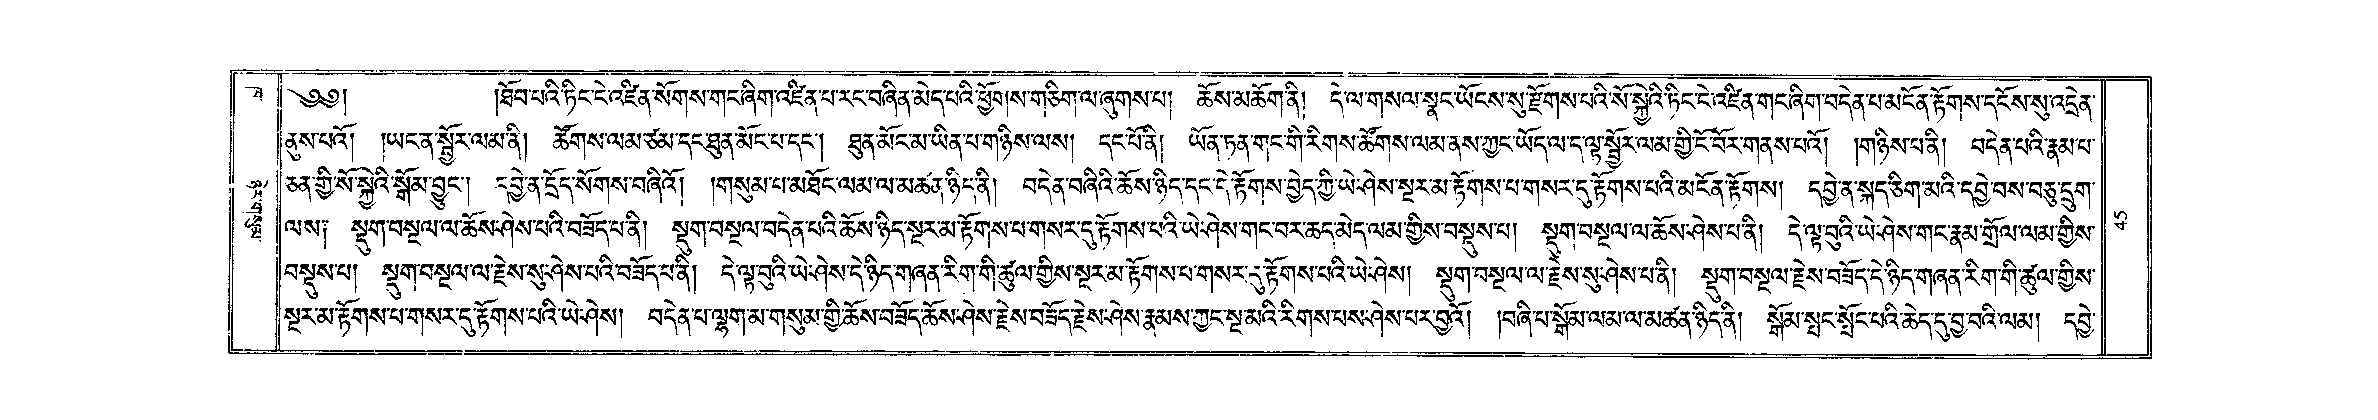༄༅། །ཐོབ་པའི་ཏིང་ངེ་འཛིན་སོགས་གང་ཞིག་འཛིན་པ་རང་བཞིན་མེད་པའི་ཕྱོགས་གཅིག་ལ་ཞུགས་པ། ཆོས་མཆོག་ནི། དེ་ལ་གསལ་སྣང་ཡོངས་སུ་རྫོགས་པའི་སོ་སྐྱེའི་ཏིང་ངེ་འཛིན་གང་ཞིག་བདེན་པ་མངོན་རྟོགས་དངོས་སུ་འདྲེན་
ནུས་པའོ། །ཡང་ན་སྦྱོར་ལམ་ནི། ཚོགས་ལམ་ཙམ་དང་ཐུན་མོང་པ་དང་། ཐུན་མོང་མ་ཡིན་པ་གཉིས་ལས། དང་པོ་ནི། ཡོན་ཏན་གང་གི་རིགས་ཚོགས་ལམ་ནས་ཀྱང་ཡོད་ལ་ད་ལྟ་སྦྱོར་ལམ་གྱི་ངོ་བོར་གནས་པའོ། །གཉིས་པ་ནི། བདེན་པའི་རྣམ་པ་
ཅན་གྱི་སོ་སྐྱེའི་སྒོམ་བྱུང་། དབྱེ་ན་དྲོད་སོགས་བཞིའོ། །གསུམ་པ་མཐོང་ལམ་ལ་མཚན་ཉིད་ནི། བདེན་བཞིའི་ཆོས་ཉིད་དང་དེ་རྟོགས་བྱེད་ཀྱི་ཡེ་ཤེས་སྔར་མ་རྟོགས་པ་གསར་དུ་རྟོགས་པའི་མངོན་རྟོགས། དབྱེ་ན་སྐད་ཅིག་མའི་དབྱེ་བས་བཅུ་དྲུག་
ལས༑ སྡུག་བསྔལ་ལ་ཆོས་ཤེས་པའི་བཟོད་པ་ནི། སྡུག་བསྔལ་བདེན་པའི་ཆོས་ཉིད་སྔར་མ་རྟོགས་པ་གསར་དུ་རྟོགས་པའི་ཡེ་ཤེས་གང་བར་ཆད་མེད་ལམ་གྱིས་བསྡུས་པ། སྡུག་བསྔལ་ལ་ཆོས་ཤེས་པ་ནི། དེ་ལྟ་བུའི་ཡེ་ཤེས་གང་རྣམ་གྲོལ་ལམ་གྱིས་
བསྡུས་པ། སྡུག་བསྔལ་ལ་རྗེས་སུ་ཤེས་པའི་བཟོད་པ་ནི། དེ་ལྟ་བུའི་ཡེ་ཤེས་དེ་ཉིད་གཞན་རིག་གི་ཚུལ་གྱིས་སྔར་མ་རྟོགས་པ་གསར་དུ་རྟོགས་པའི་ཡེ་ཤེས། སྡུག་བསྔལ་ལ་རྗེས་སུ་ཤེས་པ་ནི། སྡུག་བསྔལ་རྗེས་བཟོད་དེ་ཉིད་གཞན་རིག་གི་ཚུལ་གྱིས་
སྔར་མ་རྟོགས་པ་གསར་དུ་རྟོགས་པའི་ཡེ་ཤེས། བདེན་པ་ལྷག་མ་གསུམ་གྱི་ཆོས་བཟོད་ཆོས་ཤེས་རྗེས་བཟོད་རྗེས་ཤེས་རྣམས་ཀྱང་སྔ་མའི་རིགས་པས་ཤེས་པར་བྱའོ། །བཞི་པ་སྒོམ་ལམ་ལ་མཚན་ཉིད་ནི། སྒོམ་སྤང་སྤོང་པའི་ཆེད་དུ་བྱ་བའི་ལམ། དབྱེ་